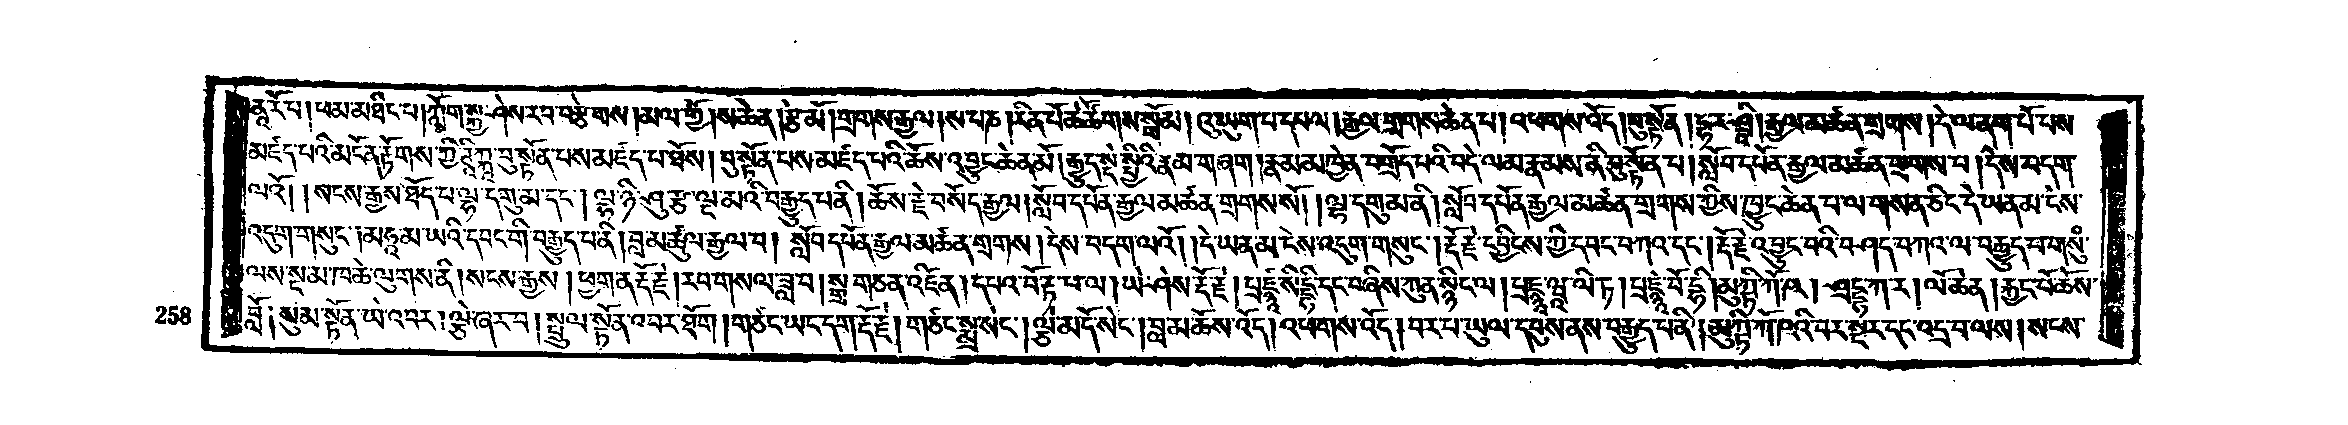ནཱ་རོ་པ། ཕམ་མཐིང་པ། ཀློག་སྐྱ་ཤེས་རབ་བརྩེགས། མལ་གྱོ། ས་ཆེན། རྩེ་མོ། གྲགས་རྒྱལ། ས་པཎ། རིན་པོ་ཚ་ཚོགས་སྒོམ། འུ་ཡུག་པ་དཔལ། རྒྱལ་གྲགས་ཆེན་པ། འཕགས་འོད། བུ་སྟོན། དྷ་ར་ཤྲཱི། རྒྱལ་མཚན་གྲགས། དེ་ལ་ནག་པོ་པས་
མཛད་པའི་མངོན་རྟོགས་ཀྱི་ཊཱིཀྐཱ་བུ་སྟོན་པས་མཛད་པ་ཐོས། བུ་སྟོན་པས་མཛད་པའི་ཆོས་འབྱུང་ཆེན་མོ། རྒྱུད་སྡེ་སྤྱིའི་རྣམ་གཞག །རྣམ་མཁྱེན་བགྲོད་པའི་བདེ་ལམ་རྣམས་ནི་བུ་སྟོན་པ། སློབ་དཔོན་རྒྱལ་མཚན་གྲགས་པ། དེས་བདག་
ལའོ། །སངས་རྒྱས་ཐོད་པ་ལྷ་དགུ་མ་དང་། ལྷ་ཉི་ཤུ་རྩ་ལྔ་མའི་བརྒྱུད་པ་ནི། ཆོས་རྗེ་བསོད་རྒྱལ། སློབ་དཔོན་རྒྱལ་མཚན་གྲགས་སོ། །ལྷ་དགུ་མ་ནི། སློབ་དཔོན་རྒྱལ་མཚན་གྲགས་ཀྱིས་ཁྱད་ཆེན་པ་ལ་གསན་ཅིང་དེ་ཡན་མ་ངེས་
འདུག་གསུང་། མཧཱ་མ་ཡའི་དབང་གི་བརྒྱུད་པ་ནི། བླ་མ་ཚུལ་རྒྱལ་བ། སློབ་དཔོན་རྒྱལ་མཚན་གྲགས། དེས་བདག་ལའོ། །དེ་ཡན་མ་ངེས་འདུག་གསུང་། རྡོ་རྗེ་དབྱིངས་ཀྱི་དབང་བཀའ་དང་། རྡོ་རྗེ་འབྱུང་བའི་བཤད་བཀའ་ལ་བརྒྱུད་པ་གསུཾ་
ལས་སྔ་མ་ཁ་ཆེ་ལུགས་ནི། སངས་རྒྱས། ཕྱག་ན་རྡོ་རྗེ། རབ་གསལ་ཟླ་བ། སྒྲ་གཅན་འཛིན། དཔའ་བོ་རྟ་པ་ལ། ཡེ་ཤེས་རྡོ་རྗེ། པྲཛྙཱ་སིངྡྷི་དང་བཞིས་ཀུན་སྙིང་ལ། པྲཇྙཱ་ཝཱ་ལི་ཏ། པྲཇྙE་བོ་དྷི། མུཀྟི་ཁོ་ཥ། ཤྲདྡྷ་ཀ་ར། ལོ་ཆེན། རྒྱང་པོ་ཆོས་
བློ། སུམ་སྟོན་ཡེ་འབར། ལྕེ་ཞར་བ། སྤྲུལ་སྟོན་འབར་ཐོག །གཙང་ཡང་དག་རྡོ་རྗེ། གཙང་སྨྲ་སེང་། ལྕེ་མདོ་སེང་། བླ་མ་ཆོས་འོད། འཕགས་འོད། བར་པ་ཡུལ་དབུས་ནས་བརྒྱུད་པ་ནི། མུཀྟི་ཀོ་ཥཱི་བར་སྔར་དང་འདྲ་བ་ལས། སངས་